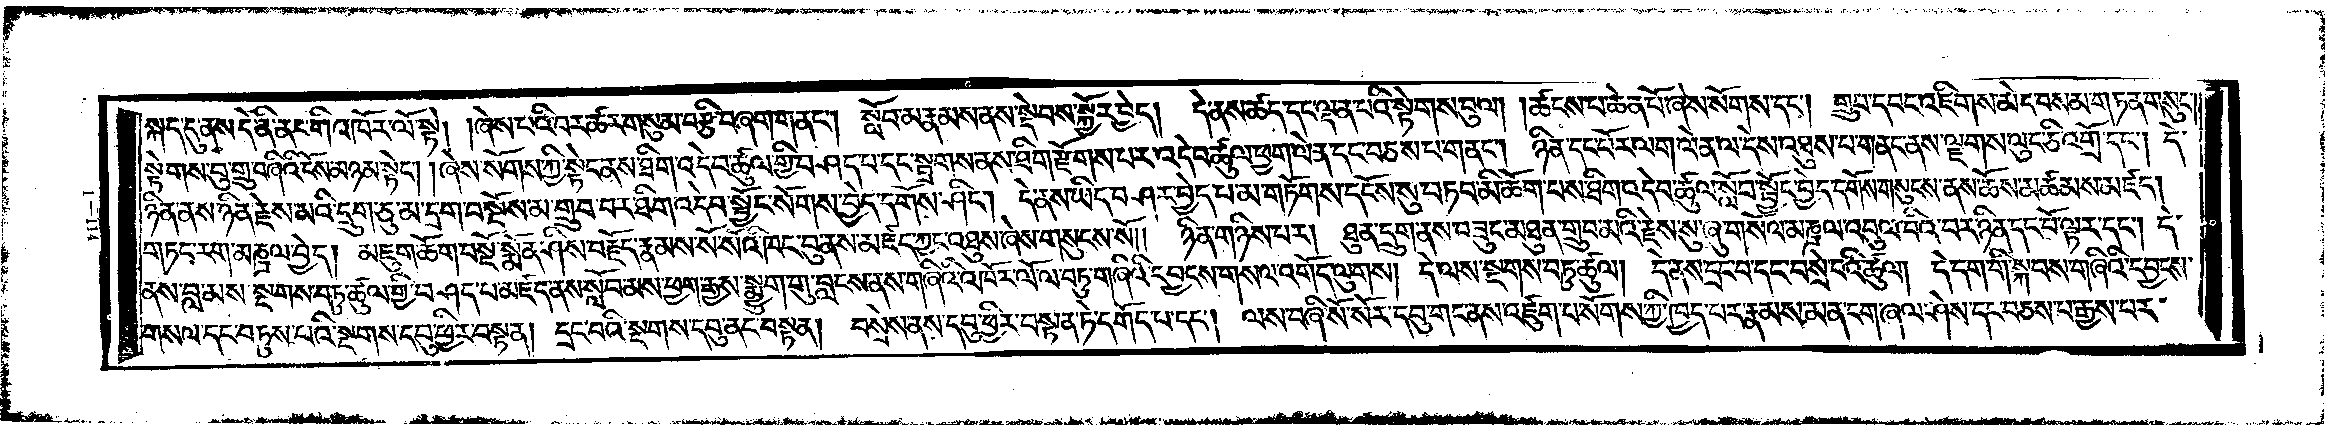སྐད་དུ་ནས་དེ་ནི་ནང་གི་འཁོར་ལོ་སྟེ། །ཞེས་པའི་བར་ཚར་གསུམ་བརྩི་བཞག་གནང་། སློབ་མ་རྣམས་ནས་སྡེབས་སྐྱོར་བྱེད། དེ་ནས་ཚད་དང་ལྡན་པའི་སྟེགས་བུ་ལ། །ཚངས་པ་ཆེན་པོ་ཞེས་སོགས་དང་། གྲུབ་དབང་འཇིགས་མེད་བསམ་གཏན་གསུང།།
སྟེགས་བུ་གྲུ་བཞིའི་ངོས་མཉམ་སྟེང་། །ཞེས་སོགས་ཀྱི་སྟེང་ནས་ཐིག་འདེབས་ཚུལ་གྱི་བཤད་པ་དང་སྦྲགས་ནས་ཐིག་རྫོགས་པར་འདེབ་ཚུལ་ཕྱག་ལེན་དང་བཅས་པ་གནང་། ཉིན་དང་པོར་ལག་ལེན་ལ་དེས་འཐུས་པ་གནང་ནས་ལྗགས་ལུང་ཅི་འགྲོ་དང་། དེ་
ཉིན་ནས་ཉིན་རྗེས་མའི་དྲུག་ཅུ་མ་དྲག་བསྡོས་མ་གྲུབ་བར་ཐིག་འདེབས་སྦྱོང་སོགས་བྱེད་དགོས་ཤིང་། དེ་ནས་ཡིད་བཤར་བྱེད་པ་མ་གཏོགས་དངོས་སུ་བཏབ་མི་ཆོག་པས་ཐིག་འདེབས་ཚུལ་སློབ་སྦྱོང་བྱེད་དགོས་གསུངས་ནས་ཆོས་མཚམས་མཛད།
གཏང་རག་མཎྜལ་བྱེད། མཇུག་ཆོག་བསྔོ་སྨོན་ཤིས་བརྗོད་རྣམས་སོ་སོའི་ཁང་བུ་ནས་མཛད་ཀྱང་འཐུས་ཞེས་གསུངས་སོ།། ཉིན་གཉིས་པར། ཐུན་དྲུག་ནས་བཟུང་མཐུན་གྲུབ་མའི་རྗེས་སུ་ཞུ་གསོལ་མཎྜལ་འབུལ་བའི་བར་ཉིན་དང་པོ་ལྟར་དང་། དེ་
ནས་བླ་མས་སྔགས་བ་ཏུ་ཚུལ་གྱི་བཤད་པ་མཛད་ནས་སློབ་མས་ཕྱག་རྒྱས་སྨྱུག་གུ་བླངས་ནས་གཞིའི་འཁོར་ལོ་ལ་བཏུ་གཞིའི་དབྱངས་གསལ་འགོད་ལུགས། དེ་ལས་སྔགས་བཏུ་ཚུལ། དེ་ནས་དྲང་བ་དང་བསྲེ་བའི་ཚུལ། དེ་དག་གི་སྐབས་གཞིའི་དབྱངས་
གསལ་དང་བཏུས་པའི་སྔགས་དབུ་ཕྱིར་བསྟན། དྲང་བའི་སྔགས་དབུ་ནང་བསྟན། བསྲེས་ནས་དབུ་ཕྱིར་བསྟན་ཏེ་དགོད་པ་དང་། ལས་བཞི་སོ་སོར་དབུ་གང་ནས་འཛུག་པ་སོགས་ཀྱི་ཁྱད་པར་རྣམས་མན་ངག་ཞལ་ཤེས་དང་བཅས་པ་རྒྱས་པར་